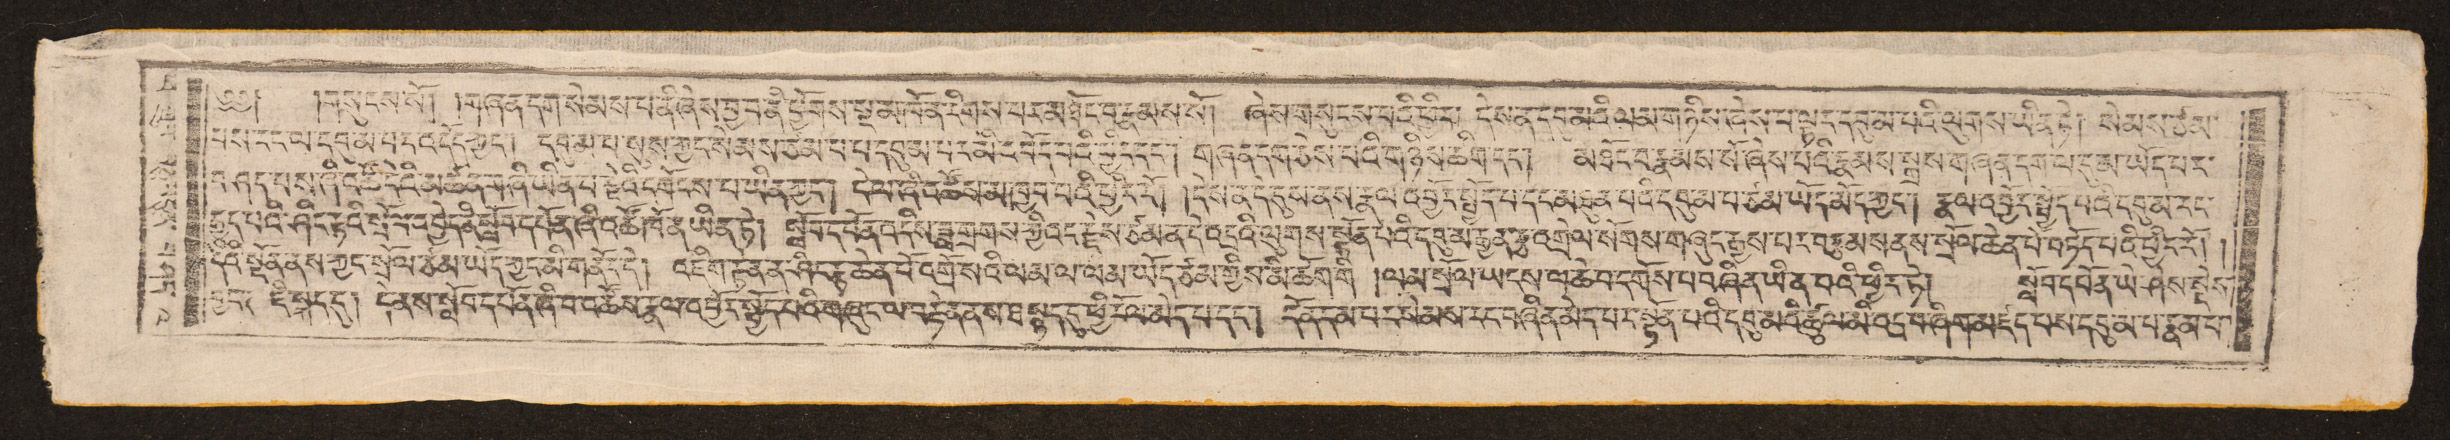༄༅། །གསུངས་སོ། །གཞན་དག་སེམས་པ་ནི་ཞེས་བྱ་བ་ན་ཕྱོགས་སྔ་མ་ཁོ་ན་རིགས་པར་མཐོང་བ་རྣམས་སོ། ཞེས་གསུངས་པའི་ཕྱིར། དེས་ན་དབུ་མའི་ལམ་གཉིས་ཞེས་བ་ལྟར་དབུ་མ་པའི་ལུགས་ཡིན་ཏེ། སེམས་ཙམ་
པས་རང་ལ་དབུ་མ་པར་འདོད་ཀྱང་། དབུ་མ་པ་སུས་ཀྱང་སེམས་ཙམ་པ་པ་དབུ་མ་པར་མི་འབོད་པའི་ཕྱིར་དང་། གཞན་དག་ཅེས་པའི་གཉིས་ཚིག་དང་། མཐོང་བ་རྣམས་སོ་ཞེས་པའི་རྣམས་སྒྲས་གཞན་དག་ལ་དུ་མ་ཡོད་པར་
བཤད་པས་ཞི་འཚོ་དེའི་མཚན་གཞི་ཡིན་པ་རྗེའི་དགོངས་པ་ཡིན་ཀྱང་། དེ་ལ་ཞི་འཚོས་མ་ཁྱབ་པའི་ཕྱིར་རོ། །དེས་ན་དེ་དུས་ནས་རྣལ་འབྱོར་སྤྱོད་པ་དང་མཐུན་པའི་དབུ་མ་པ་ཙམ་ཡོད་མོད་ཀྱང་། རྣལ་འབྱོར་སྤྱོད་པའི་དབུ་མ་རང་
རྒྱུད་པའི་ཤིང་རྟའི་སྲོལ་འབྱེད་ནི་སློབ་དཔོན་ཞི་འཚོ་ཁོ་ན་ཡིན་ཏེ། སློབ་དཔོན་འདིས་ཟླ་གྲགས་ཀྱི་འང་རྗེས་ཙམ་ན་དེ་འདྲའི་ལུགས་སྟོན་པའི་དབུ་མ་རྒྱན་རྩ་འགྲེལ་སོགས་གཞུང་རྒྱས་པར་བརྩམས་ནས་སྲོལ་ཆེན་པོ་བཏོད་པའི་ཕྱིར་རོ། །
དེའི་སྔོན་ནས་ཀྱང་སྲོལ་ཙམ་ཡོད་ཀྱང་མི་གནོད་དེ། འཇིག་རྟེན་ན་ཤིང་རྟ་ཆེན་པོ་འགྲོ་སའི་ལམ་ལ་ལམ་ཡོད་ཙམ་གྱིས་མི་ཆོག་གི །ལམ་སྲོལ་ཡངས་ལ་ཆེ་བ་དགོས་པ་བཞིན་ཡིན་པའི་ཕྱིར་ཏེ། སློབ་དཔོན་ཡེ་ཤེས་སྡེས་
ཀྱང༑ ཇི་སྐད་དུ། དེ་ནས་སློབ་དཔོན་ཞིབ་འཚོས་རྣལ་འབྱོར་སྤྱོད་པའི་གཞུང་ལ་བརྟེན་ནས་ཐ་སྙད་དུ་ཕྱི་རོལ་མེད་པ་དང་། དོན་དམ་པར་སེམས་རང་བཞིན་མེད་པར་སྟོན་པའི་དབུ་མའི་ཚུལ་མི་འདྲ་བ་ཞིག་མཛད་པས་དབུ་མ་པ་རྣམ་པ་